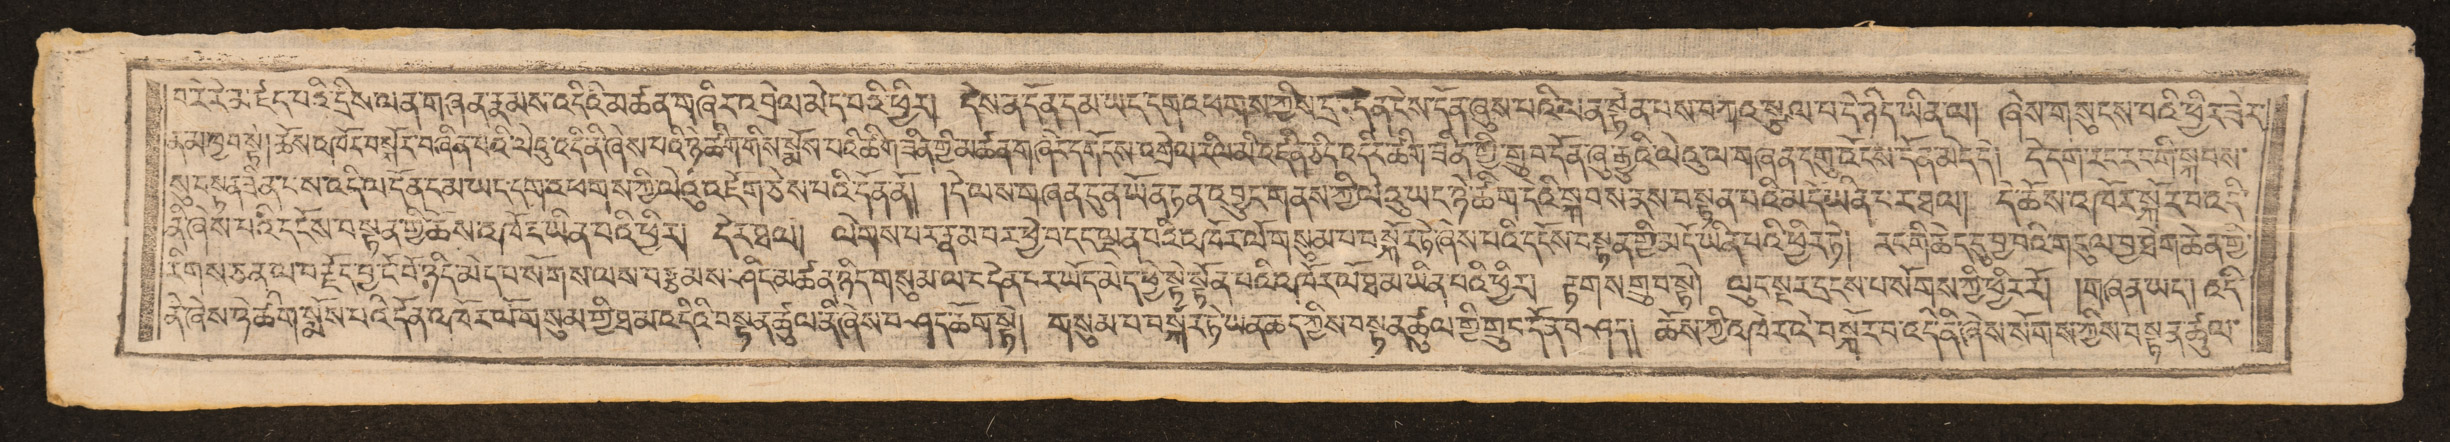བ་རེ་རེ་མཛད་པའི་དྲིས་ལན་གཞན་རྣམས་འདིའི་མཚན་གཞིར་འབྲེལ་མེད་པའི་ཕྱིར། དེས་ན་དོན་དམ་ཡང་དག་འཕགས་ཀྱིས་དྲང་དོན་ངེས་དོན་ཞུས་པའི་ལན་སྟེན་པས་བཀའ་སྩལ་པ་དེ་ཉིད་ཡིན་ལ། ཞེས་གསུངས་པའི་ཕྱིར་ཟེར་
ན་མ་ཁྱབ་སྟེ། ཆོས་འཁོར་བསྐོར་བཞིན་པའི་ལེའུ་འདི་ནི་ཞེས་པའི་ཉེ་ཚིག་གིས་སྨོས་པའི་ཚིག་ཟིན་གྱི་མཚན་གཞིང་དགོངས་འགྲེལ་རིལ་མི་འཛིན་ཅིང་འདིར་ཚིག་ཟིན་གྱི་གྲུབ་དོན་ཞུ་རྒྱུའི་ལེའུ་ལ་གཞན་དགུ་འོངས་དོན་མེད་དེ། དེ་དག་རང་རང་གི་སྐབས་
སུ་བསྟན་ཟིན་པས་འདི་ལ་དོན་དམ་ཡང་དག་འཕགས་ཀྱི་ལེའུ་འཇོག་ཅེས་པའི་དོན་ནོ། །དེ་ལས་གཞན་དུ་ན་ཡོན་ཏན་འབྱུང་གནས་ཀྱི་ལེའུ་ཡང་ཉེ་ཚིག་དེའི་སྐབས་ནས་བསྟན་པའི་མདོ་ཡིན་པར་ཐལ། དེ་ཆོས་འཁོར་སྐོར་བ་འདི་
ནི་ཞེས་པའི་དངོས་བསྟན་གྱི་ཆོས་འཁོར་ཡིན་པའི་ཕྱིར། དེར་ཐལ། ལེགས་པར་རྣམ་པར་ཕྱེ་བ་དང་ལྡན་པའི་འཁོར་ལོ་གསུམ་པ་བསྐོར་ཏེ་ཞེས་པའི་དངོས་བསྟན་གྱི་མདོ་ཡིན་པའི་ཕྱིར་ཏེ། རང་གི་ཆེད་དུ་བྱ་བའི་གདུལ་བྱ་ཐེག་ཆེན་གྱི་
རིགས་ཅན་ལ་བརྗོད་བྱ་ངོ་བོ་ཉིད་མེད་པ་སོགས་ལས་བརྩམས་ཤིང་མཚན་ཉིད་གསུམ་ལ་བདེན་པར་ཡོད་མེད་ཕྱེ་སྟེ་སྟོན་པའི་འཁོར་ལོ་ཐ་མ་ཡིན་པའི་ཕྱིར། རྟགས་གྲུབ་སྟེ། ལུང་སྔར་དྲངས་པ་སོགས་ཀྱི་ཕྱིར་རོ། །གཞན་ཡང་། འདི་
ནི་ཞེས་ཉེ་ཚིག་སྨོས་པའི་དོན་འཁོར་ལོ་གསུམ་གྱི་ཐ་མ་འདིའི་བསྟན་ཚུལ་ནི་ཞེས་བཤད་ཆོག་སྟེ། གསུམ་པ་བསྐོར་ཏེ་ཡན་ཆད་ཀྱིས་བསྟན་ཚུལ་གྱི་གྲུབ་དོན་བཤད། ཆོས་ཀྱི་འཁོར་ལོ་བསྐོར་བ་འདི་ནི་ཞེས་སོགས་ཀྱིས་བསྟན་ཚུལ་